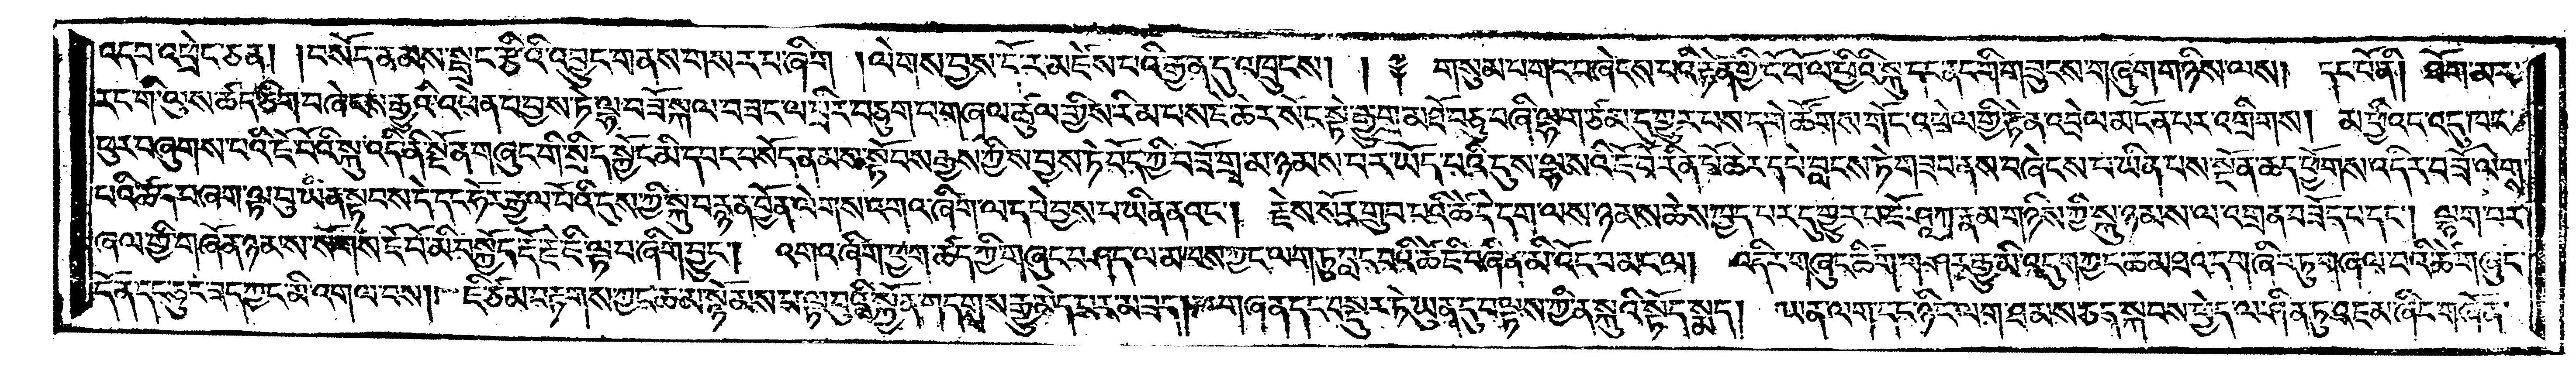འདབ་འཕྲེང་ཅན། །བསོད་ནམས་སྦྲང་རྩིའི་འབྱུང་གནས་གསར་པ་ཞིག །ལེགས་བྱས་དོར་མཛེས་པའི་རྒྱན་དུ་འཁྲུངས། །༈ གསུམ་པ་གང་བཞེངས་པའི་རྟེན་གྱི་ངོ་བོ་ལ་ཁྱོད་སྐུ་དང་ནང་གི་གཟུངས་གཞུག་གཉིས་ལས། དང་པོ་ནི། ཐོག་མར་
རང་གི་ལུས་ཚད་ཅིག་བཞེངས་རྒྱའི་འཕེན་པ་བྱས་ཏེ་ལྷ་བཟོ་སྐལ་བཟང་ལ་བྲིར་བཅུག་པ་གཞལ་ཚུལ་གྱིས་རིམ་པས་ཇེ་ཆེར་སོང་སྟེ་རྒྱུག་མཐོ་བཅུ་བཞི་ལྷག་ཙམ་དུ་གྱུར་པས་དགེ་ཚོགས་གོང་འཕེལ་གྱི་རྟེན་འབྲེལ་མངོན་པར་འགྲིགས། མ་ཕྱིའང་འདུ་ཁང་
ཕུར་བཞུགས་པའི་ཇོ་བོའི་སྐུ་འདི་ནི་སྔོན་གཞུང་གི་སྲིད་སྐྱོང་མི་དབང་བསོད་ནམས་སྟོབས་རྒྱས་ཀྱིས་བྱས་ཏེ་བོད་ཀྱི་བཟོ་གྲྭ་མ་ཉམས་པར་ཡོད་པའི་དུས་ལྷ་སའི་ཇོ་བོ་རིན་པོ་ཆེར་དཔེ་བླངས་ཏེ་གཟབ་ནས་བཞེངས་པ་ཡིན་པས་སྔོན་ཆད་ཕྱོགས་འདིར་བཟོ་ལེགས་
པའི་ཚད་བཞག་ལྟ་བུ་ཡིན་སྟབས་དེ་དང་ཧོར་རྒྱལ་པོའི་དུས་ཀྱི་སྐུ་བརྙན་བྱོན་ལེགས་འགའ་ཞིག་ལ་དཔེ་བྱས་པ་ཡིན་ནའང་། རྗེས་སོར་གྲུབ་པའི་ཚེ་དེ་དག་ལས་ཉམས་ཆེས་ཁྱད་པར་དུ་གྱུར་བ་ཇོ་ཤཱཀ་རྣམ་གཉིས་ཀྱི་སྐུ་ཉམས་ལ་འགྲན་བཟོད་པ་དང་། ལྷག་པར་
ཞལ་གྱི་གཞོན་ཉམས་སོགས་ཇོ་བོ་མི་བསྐྱོད་རྡོ་རྗེ་ཇི་ལྟ་བ་ཞིག་བྱུང་། འགའ་ཞིག་ཕྱག་ཚད་ཀྱི་གཞུང་བཤད་ལ་མཁས་ཀྱང་ལག་ཏུ་བླང་བའི་ཚེ་ཇི་བཞིན་མི་འོང་བ་མང་ལ། འདིར་གཞུང་ཚིག་གཤར་རྒྱུ་མི་འདུག་ཀྱང་ཆ་མཐའ་དག་ཞིབ་ཏུ་གཞལ་བའི་ཚེ་གཞུང་
དོན་དང་ཅུང་ཟད་ཀྱང་མི་འགལ་བས། ཇི་ཙམ་བརྟགས་ཀྱང་ཆ་མ་སྙོམས་པ་ལྟ་བུའི་སྐྱོན་གདགས་རྒྱུ་མེད་པར་མྯད། གཞན་དང་བསྡུར་ཏེ་ཡུན་དུ་བལྟས་ཀྱི་ན་སྐུའི་སྟོད་སྨད། ཡན་ལག་དང་ཉིང་ལག་ཐམས་ཅད་སྐབས་ཕྱེད་ལ་ཤིན་ཏུ་འཇམ་ཞིང་གཞོན་